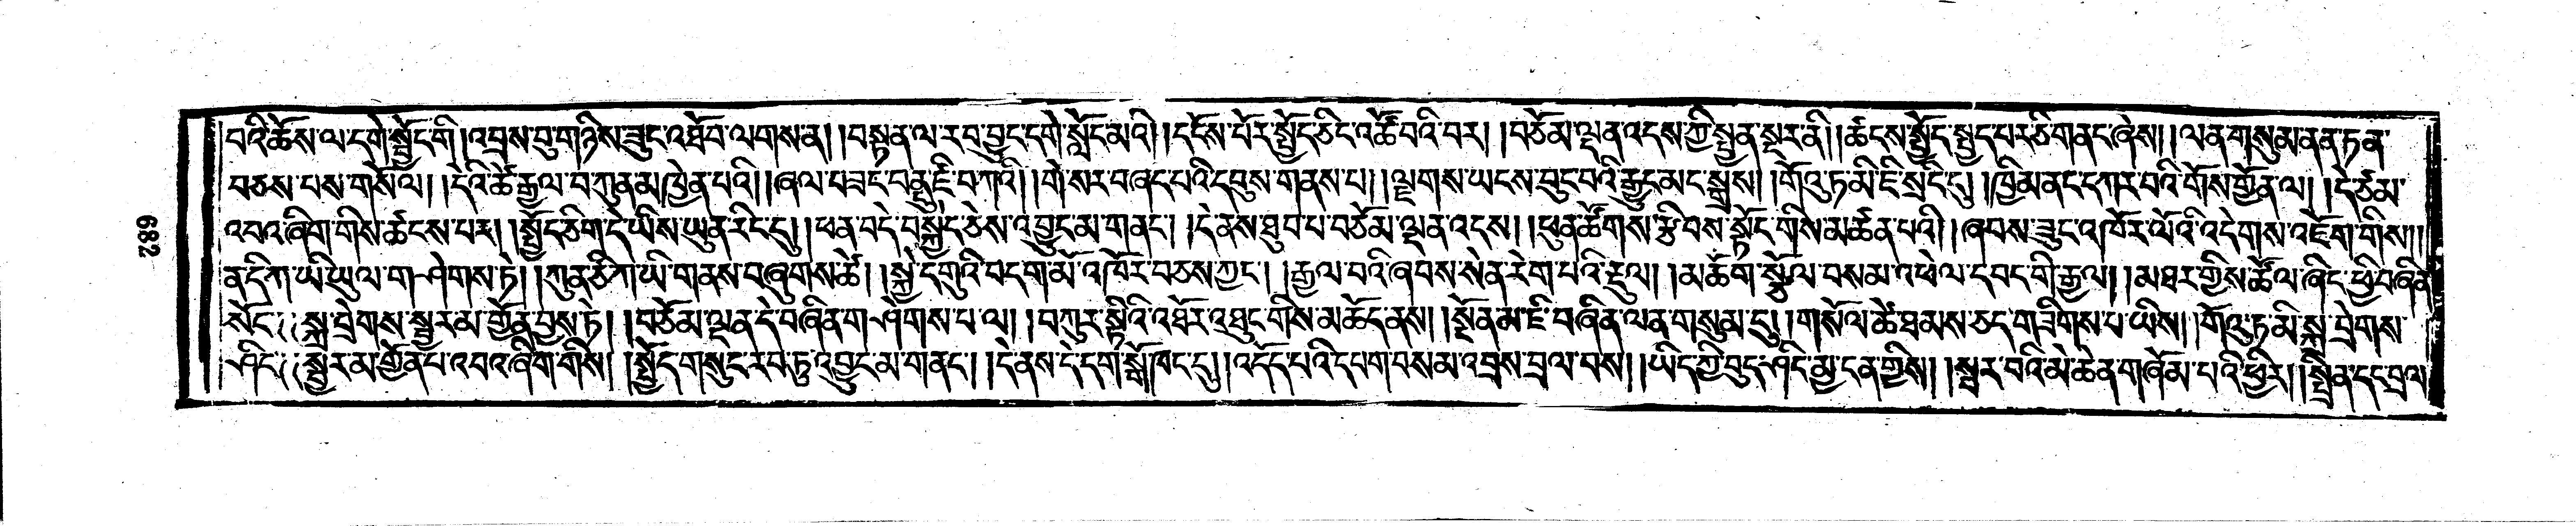བའི་ཆོས་ལ་དགེ་སྦྱོང་གི །འབྲས་བུ་གཉིས་ཟུང་འཐོབ་ལགས་ན། །བསྟན་ལ་རབ་བྱུང་དགེ་སློང་མའི། །དངོས་པོར་སྤྱོད་ཅིང་འཚོ་བའི་བར། །བཅོམ་ལྡན་འདས་ཀྱི་སྤྱན་སྔར་ནི། །ཚངས་སྤྱོད་སྤྱད་པར་ཅི་གནང་ཞེས། །ལན་གསུམ་ནན་ཏན་
བཅས་པས་གསོལ། །དེའི་ཚེ་རྒྱལ་བ་ཀུན་མཁྱེན་པའི། །ཞལ་བཟང་བནྡུ་ཛི་བ་ཀའི། །གེ་སར་བཞད་པའི་དབུས་གནས་པ། །ལྗགས་ཡངས་བུང་བའི་རྒྱུད་མང་སྒྲས། །གོའུ་ཏ་མི་ཇི་སྲིད་དུ། །ཁྱིམ་ནང་དཀར་བའི་གོས་གྱོན་ལ། །དེ་ཙམ་
འབའ་ཞིག་གིས་ཚངས་པར། །སྤྱོད་ཅིག་དེ་ཡིས་ཡུན་རིང་དུ། །ཕན་བདེ་བསྐྱེད་ཅེས་འབྱུང་མ་གནང་། །དེ་ནས་ཐུབ་པ་བཅོམ་ལྡན་འདས། །ཕུན་ཚོགས་རྩིབས་སྟོང་གིས་མཚན་པའི། །ཞབས་ཟུང་འཁོར་ལོའི་འདེགས་འཇོག་གིས། །
ན་དི་ཀ་ཡི་ཡུལ་གཤེགས་ཏེ། །ཀུན་ཅི་ཀ་ཡི་གནས་བཞུགས་ཚེ། །སྐྱེ་དགུའི་བདག་མོ་འཁོར་བཅས་ཀྱང་། །རྒྱལ་བའི་ཞབས་སེན་རེག་པའི་རྡུལ། །མཆོག་སྩོལ་བསམ་འཕེལ་དབང་གི་རྒྱལ། །མཐར་གྱིས་ཚོལ་ཞིང་ཕྱི་བཞིན་
སོང༑ ༑སྐྲ་བྲེགས་སྦྱར་མ་གྱོན་བྱས་ཏེ། །བཅོམ་ལྡན་དེ་བཞིན་གཤེགས་པ་ལ། །བཀུར་སྟིའི་འཐོར་འཐུང་གིས་མཆོད་ནས། །སྔོན་མ་ཇི་བཞིན་ལན་གསུམ་དུ། །གསོལ་ཚེ་ཐམས་ཅད་གཟིགས་པ་ཡིས། །གོའུ་ཏ་མི་སྐྲ་བྲེགས་
ཤིང༑ ༑སྦྱར་མ་གྱོན་པ་འབའ་ཞིག་གིས། །སྤྱོད་གསུང་རབ་ཏུ་འབྱུང་མ་གནང་། །དེ་ནས་དེ་དག་སྒོ་ཁང་དུ། །འདོད་པའི་དཔག་བསམ་འབྲས་བྲལ་བས། །ཡིད་ཀྱི་བུད་ཤིང་མྱ་ངན་གྱིས། །སྦར་བའི་མེ་ཆེན་གཞོམ་པའི་ཕྱིར། །སྤྲིན་དང་བྲལ་